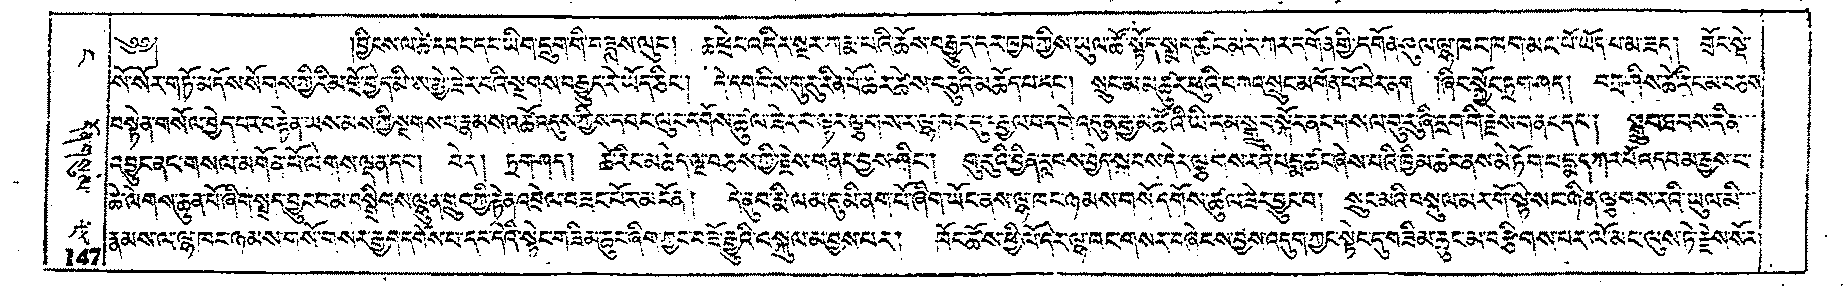༄༅། །བྱིངས་ལ་ཚེ་དབང་དང་ཡིག་དྲུག་གི་བཟླས་ལུང་། ཆ་ཕྲེང་འདིར་སྔར་ཀརྨ་པའི་ཆོས་བརྒྱུད་དར་ཁྱབ་ཀྱིས་ཡུལ་ཚོ་སྟོད་སྨད་ཚང་མར་ཀར་དགོན་གྱི་དགོན་ཤུལ་ལྷ་ཁང་ཁག་མང་པོ་ཡོད་པ་མ་ཟད། གྲོང་སྡེ་
སོ་སོར་གཏོ་མདོས་སོགས་ཀྱི་རིམ་གྲོ་བྱེད་མི་ཨ་མྱེ་ཟེར་བའི་སྔགས་བརྒྱུད་རེ་ཡོད་ཅིང་། དེ་དག་གིས་གུ་རུ་རིན་པོ་ཆེར་ཚེས་བཅུའི་མཆོད་པ་དང་། སྲུང་མ་མཚུར་ཕུའི་བཀའ་སྲུང་མགོན་པོ་བེར་ནག །ཞིང་སྐྱོང་ཏྲག་ཤད། བཀྲ་ཤིས་ཚེ་རིང་མ་བཅས་
བསྟེན་གསོལ་བྱེད་པར་བརྟེན་ཡས་མས་ཀྱི་སྔགས་པ་རྣམས་འཚོ་འདུས་ཀྱིས་དབང་ལུང་དགོས་ཚུལ་ཟེར་བ་ལྟར་ལྕགས་ར་ལྷ་ཁང་དུ་༧རྒྱལ་བ་དགེ་འདུན་རྒྱ་མཚོའི་ཡི་དམ་སྒྲུབ་སྐོར་ནང་གསལ་གུ་རུ་ཞི་དྲག་གི་རྗེས་གནང་དང་། སྒྲུབ་ཐབས་རིན་
འབྱུང་ནང་གསལ་མགོན་པོ་ལེགས་ལྡན་དང་། བེར། ཏྲག་ཤད། ཚེ་རིང་མཆེད་ལྔ་བཅས་ཀྱི་རྗེས་གནང་བྱས་ཤིང་། གུ་རུའི་བྱིན་རླབས་བྱེད་སྐབས་དེར་ལྕགས་རའི་པདམ་ཚང་ཞེས་པའི་ཁྱིམ་ཚང་ནས་མེ་ཏོག་པདམ་དཀར་པོ་འདབ་མ་རྒྱས་པ་
ཆེ་ལེགས་ཆུན་པོ་ཞིག་སྤྲད་བྱུང་བ་མ་བསྒྲིགས་ལྷུན་གྲུབ་ཀྱི་རྟེན་འབྲེལ་བཟང་པོར་མངོན། དེ་ནུབ་རྨི་ལམ་དུ་མི་ནག་པོ་ཞིག་ཡོང་ནས་ལྷ་ཁང་ཉམས་གསོ་དགོས་ཚུལ་ཟེར་བྱུང་བ། སྲུང་མའི་བསྐུལ་མར་གོ་སྟེ་སང་ཉིན་ལྕགས་རའི་ཡུལ་མི་
རྣམས་ལ་ལྷ་ཁང་ཉམས་གསོ་གསར་རྒྱག་དགོས་པ་དང་དེའི་སྟེང་གཟིམ་ཆུང་ཞིག་ཀྱང་བཟོ་རྒྱུའི་བསྐུལ་མ་བྱས་པར། ཁོང་ཚོས་ཕྱི་ལོ་དེར་ལྷ་ཁང་གསར་བཞེངས་བྱས་འདུག་ཀྱང་སྟེང་དུ་གཟིམ་ཆུང་མ་བརྩིགས་པར་ལོ་མང་ལུས་ཏེ་རྗེས་སོར་